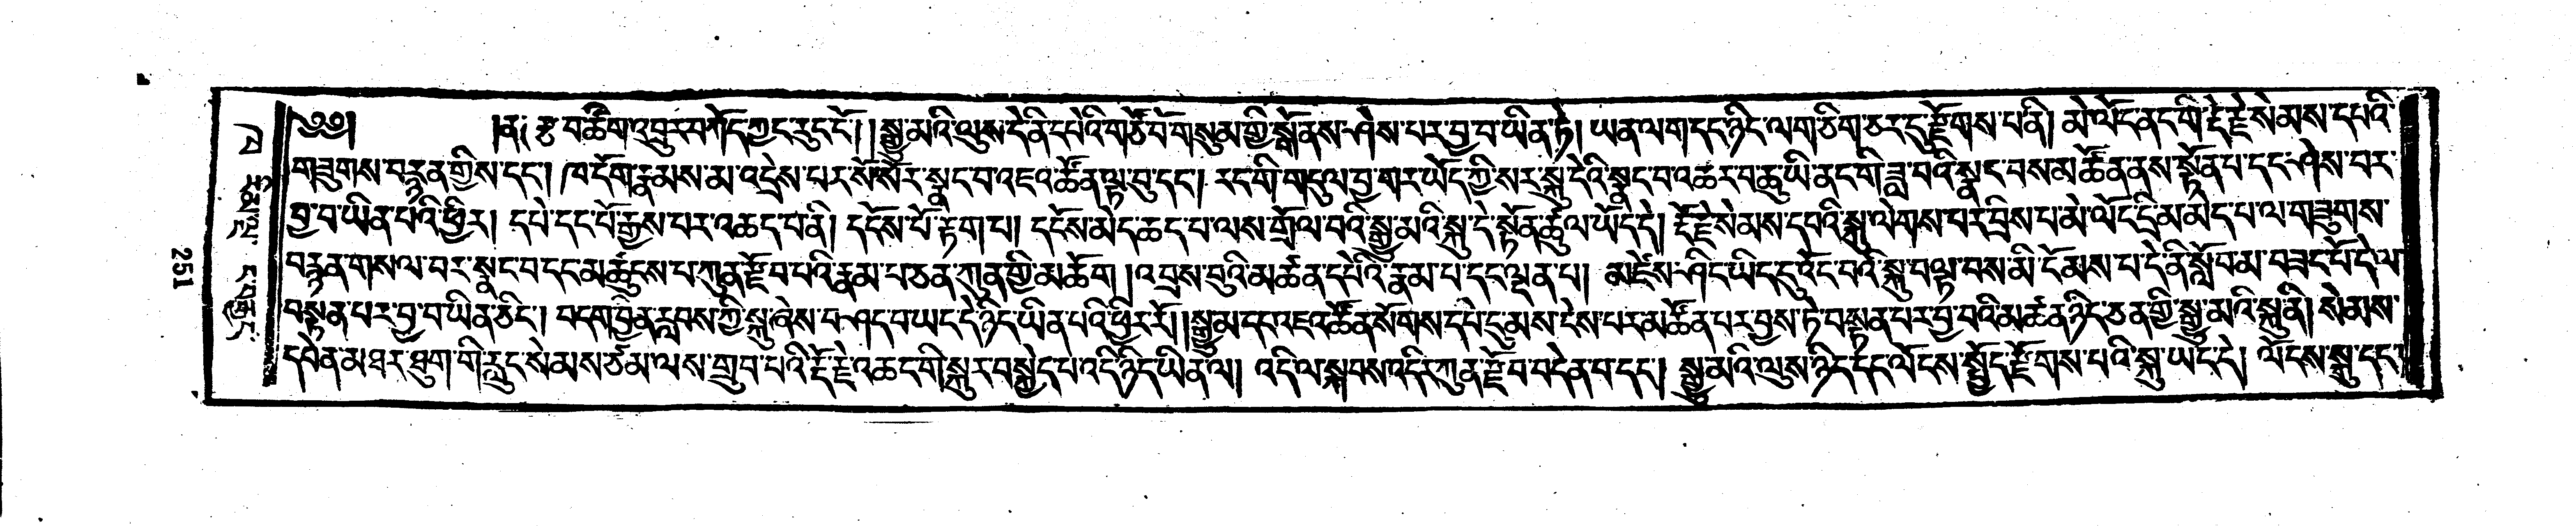༄༅། །ན༑ རྩ་བ་ཚིག་འབྲུར་བཀོད་ཀྱང་རུང་ངོ། །སྒྱུ་མའི་ལུས་དེ་ནི་དཔེའི་གཙོ་བོ་གསུམ་གྱི་སྒོ་ནས་ཤེས་པར་བྱ་བ་ཡིན་ཏེ། ཡན་ལག་དང་ཉིང་ལག་ཅིག་ཅར་དུ་རྫོགས་པ་ནི། མེ་ལོང་ནང་གི་རྡོ་རྗེ་སེམས་དཔའི་
གཟུགས་བརྙན་གྱིས་དང་། ཁ་དོག་རྣམས་མ་འདྲེས་པར་སོ་སོར་སྣང་བ་འཇའ་ཚོན་ལྟ་བུ་དང་། རང་གི་གདུལ་བྱ་གར་ཡོད་ཀྱི་སར་སྐུ་དེའི་སྣང་བ་འཆར་བ་ཆུ་ཡི་ནང་གི་ཟླ་བའི་སྣང་བས་མཚོན་ནས་སྟོན་པ་དང་ཤེས་པར་
བྱ་བ་ཡིན་པའི་ཕྱིར། དཔེ་དང་པོ་རྒྱས་པར་འཆད་པ་ནི། དངོས་པོ་རྟག་པ། དངོས་མེད་ཆད་པ་ལས་གྲོལ་བའི་སྒྱུ་མའི་སྐུ་དེ་སྟོན་ཚུལ་ཡོད་དེ། རྡོ་རྗེ་སེམས་དཔའི་སྐུ་ལེགས་པར་བྲིས་པ་མེ་ལོང་དྲི་མ་མེད་པ་ལ་གཟུགས་
བརྙན་གསལ་བར་སྣང་བ་དང་མཚུངས་པ་ཀུན་རྫོབ་པའི་རྣམ་པ་ཅན་ཀུན་གྱི་མཆོག །འབྲས་བུའི་མཚན་དཔེའི་རྣམ་པ་དང་ལྡན་པ། མཛེས་ཤིང་ཡིད་དུ་འོང་བའི་སྐུ་བལྟ་བས་མི་ངོམས་པ་དེ་ནི་སློབ་མ་བཟང་པོ་དེ་ལ་
བསྟན་པར་བྱ་བ་ཡིན་ཅིང་། བདག་བྱིན་རླབས་ཀྱི་སྐུ་ཞེས་བཤད་པ་ཡང་དེ་ཉིད་ཡིན་པའི་ཕྱིར་རོ། །སྒྱུ་མ་དང་འཇའ་ཚོན་སོགས་དཔེ་དུ་མས་ངེས་པར་མཚོན་པར་བྱས་ཏེ་བསྟན་པར་བྱ་བའི་མཚན་ཉིད་ཅན་གྱི་སྒྱུ་མའི་སྐུ་ནི། སེམས་
དབེན་མཐར་ཐུག་གི་རླུང་སེམས་ཙམ་ལས་གྲུབ་པའི་རྡོ་རྗེ་འཆང་གི་སྐུར་བསྐྱེད་པ་འདི་ཉིད་ཡིན་ལ། འདི་ལ་སྐབས་འདིར་ཀུན་རྫོབ་བདེན་པ་དང་། སྒྱུ་མའི་ལུས་ཉིད་དང་ལོངས་སྤྱོད་རྫོགས་པའི་སྐུ་ཡོད་དེ། ལོངས་སྐུ་དང་